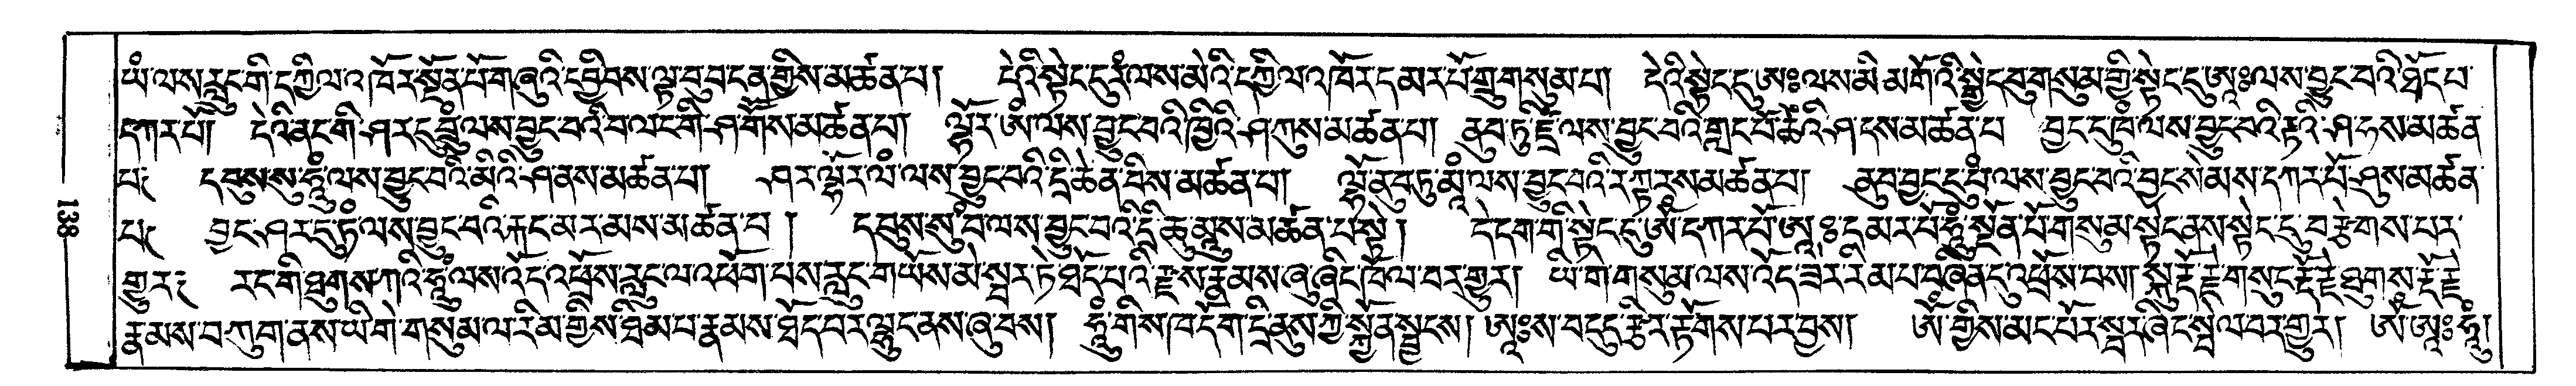ཡཾ་ལས་རླུང་གི་དཀྱིལ་འཁོར་སྔོན་པོ་གཞུའི་དབྱིབས་ལྟ་བུ་བ་དན་གྱིས་མཚན་པ། དེའི་སྟེང་དུ་རཾ་ལས་མེའི་དཀྱིལ་འཁོར་དམར་པོ་གྲུ་གསུམ་བ། དེའི་སྟེང་དུ་ཨཱཿ ལས་མི་མགོའི་སྒྱེད་བུ་གསུམ་གྱི་སྟེང་དུ་ཨཱཿ ལས་བྱུང་བའི་ཐོད་པ་
དཀར་པོ། དེའི་ནང་གི་ཤར་དུ་བྲུཾ་ལས་བྱུང་བའི་བ་ལང་གི་ཤ་གོས་མཚན་པ། ལྷོར་ཨཾ་ལས་བྱུང་བའི་ཁྱིའི་ཤ་ཀུས་མཚན་པ། ནུབ་ཏུ་ཛྲིཾ་ལས་བྱུང་བའི་གླང་པོ་ཆེའི་ཤདས་མཚན་པ་བྱང་དུ་ཁཾ་ལས་བྱུང་བའི་རྟའི་ཤ་ཧས་མཚན་
པ༑ དབུས་སུ་ཧཱུཾ་ལས་བྱུང་བའི་མིའི་ཤ་ནས་མཚན་བ། ཤར་ལྷོར་ལཾ་ལས་བྱུང་བའི་དྲི་ཆེན་བིས་མཚན་པ། ལྷོ་ནུབ་ཏུ་མཱཾ་ལས་བྱུང་བའི་རཀྟ་རས་མཚན་པ། ནུབ་བྱང་དུ་པཾ་ལས་བྱུང་བའི་བྱང་སེམས་དཀར་པོ་ཤུས་མཚན་
པ༑ བྱང་ཤར་དུ་ཏཾ་ལས་བྱུང་བའི་རྐང་མར་མས་མཚན་པ། དབུས་སུ་བ་ལས་བྱུང་བའི་དྲི་ཆུ་མཱུས་མཚན་པ་སྟེ། དེ་དག་གི་སྟེང་དུ་ཨོཾ་དཀར་པོ་ཨཱཿ དམར་པོ་ཧཱུཾ་སྔོན་པོ་གསུམ་སྟེང་ནས་སྟེང་དུ་བརྩེགས་པར་
གྱུར༑ རང་གི་ཐུགས་ཀའི་ཧཱུཾ་ལས་འོད་འཕྲོས་རླུང་ལ་འཕོག་པས་རླུང་གཡོས་མེ་སྦར་ཏེ་ཐོད་པའི་རྫས་རྣམས་ཞུ་ཞིང་ཁོལ་བར་གྱུར། ཡི་གེ་གསུམ་ལས་འོད་ཟེར་རིམ་བ་བཞིན་དུ་འཕྲོས་པས། སྐུ་རྡོ་རྗེ་གསུང་རྡོ་རྗེ་ཐུགས་རྡོ་རྗེ་
རྣམས་བཀུག་ནས་ཡི་གེ་གསུམ་ལ་རིམ་གྱིས་ཐིམ་པ་རྣམས་ཐོད་པར་ལྷུང་ནས་ཞུ་བས། ཧཱུཾ་གིས་ཁ་དོག་དྲི་ནུས་ཀྱི་སྐྱོན་སྦྱངས། ཨཱཿ ས་བདུད་རྩིད་རྟོགས་པར་བྱས། ཨོཾ་གྱིས་མང་པོར་སྤང་ཞིང་སྤལ་བར་གྱུར། ཨོཾ་ཨཱཿཧཱུཾ་